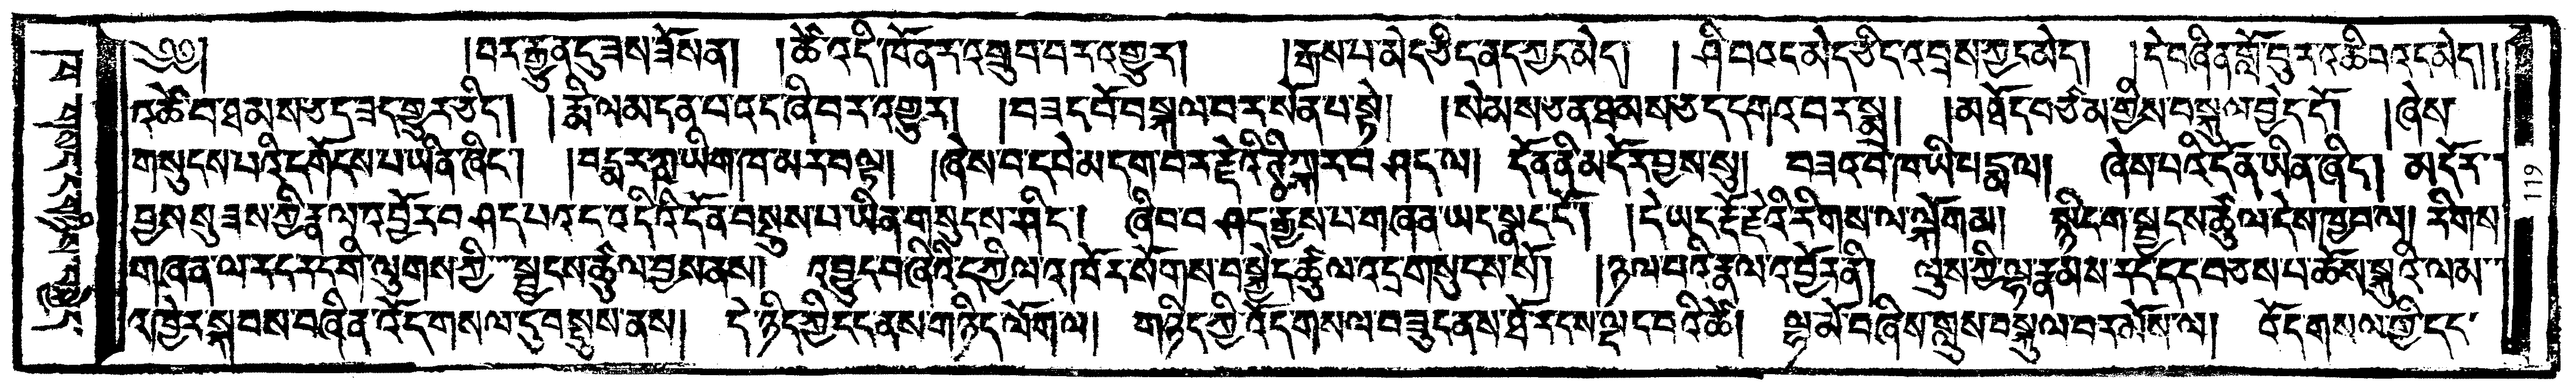༄༅། །བར་རྒྱུན་དུ་ཟས་ཟོས་ན། །ཚེ་འདི་ཁོ་ནར་འགྲུབ་བར་འགྱུར། །རྒས་པ་མེད་ཅིང་ནད་ཀྱང་མེད། །ཤི་བའང་མེད་ཅིང་འབྲས་ཀྱང་མེད། །དེ་བཞིན་གློ་བུར་འཆི་བའང་མེད།།
འཚེ་བ་ཐམས་ཅད་ཟད་གྱུར་ཅིང་། །རྨི་ལམ་ངན་པ་འང་ཞི་བར་འགྱུར། །བཟང་པོ་བསྐལ་བར་སོན་པ་སྟེ། །སེམས་ཅན་ཐམས་ཅད་དགའ་བར་སྨྲ། །མཐོང་བ་ཙམ་གྱིས་བསྐུལ་བྱེད་དོ། །ཞེས་
གསུངས་པའི་དགོངས་པ་ཡིན་ཞིང་། །པདམ་རཀྵ་ཡིག་ཁ་མར་བལྟ། །ཞེས་བ་དཔེ་མ་དག་བར་རྗེའི་ཊཱིཀྐར་བཤད་ལ། དོན་ནི་མདོར་བྱས་སུ། བཟའ་བ་ཁ་ཡི་པདམ་ལ། ཞེས་པའི་དོན་ཡིན་ཞིང་། མདོར་
བྱས་སུ་ཟས་ཀྱི་རྣལ་འབྱོར་བཤད་པའང་འདིའི་དོན་བསྡུས་པ་ཡིན་གསུངས་ཤིང་། ཞིབ་བཤད་རྒྱས་པ་གཞན་ཡང་སྣང་ངོ། །དེ་ཡང་རྡོ་རྗེའི་རིགས་ལ་ལྐོག་མ། སྙིང་ག་སྦྱངས་ཚུལ་དེས་ཁྱབ་ལ། རིགས་
གཞན་ལ་རང་རང་གི་ལུགས་ཀྱི་སྦྱངས་ཚུལ་བྱས་ནས། འབྱུང་བཞིའི་དཀྱིལ་འཁོར་སོགས་བསྐྱེད་ཚུལ་འདྲ་གསུངས་སོ། །ཉལ་པའི་རྣལ་འབྱོར་ནི། ལུས་ཀྱི་ལྷ་རྣམས་རང་དང་བཅས་པ་ཆོས་སྐུའི་ལམ་
འཁྱེར་སྐབས་བཞིན་འོད་གསལ་དུ་བསྡུས་ནས། དེ་ཉིད་ཀྱི་ངང་ནས་གཉིད་ལོག་ལ། གཉིད་ཀྱི་འོད་གསལ་བཟུང་ནས་ཐོ་རངས་ལྡང་བའི་ཚེ། ལྷ་མོ་བཞིས་གླུས་བསྐུལ་བར་མོས་ལ། འོད་གསལ་གྱི་དང་